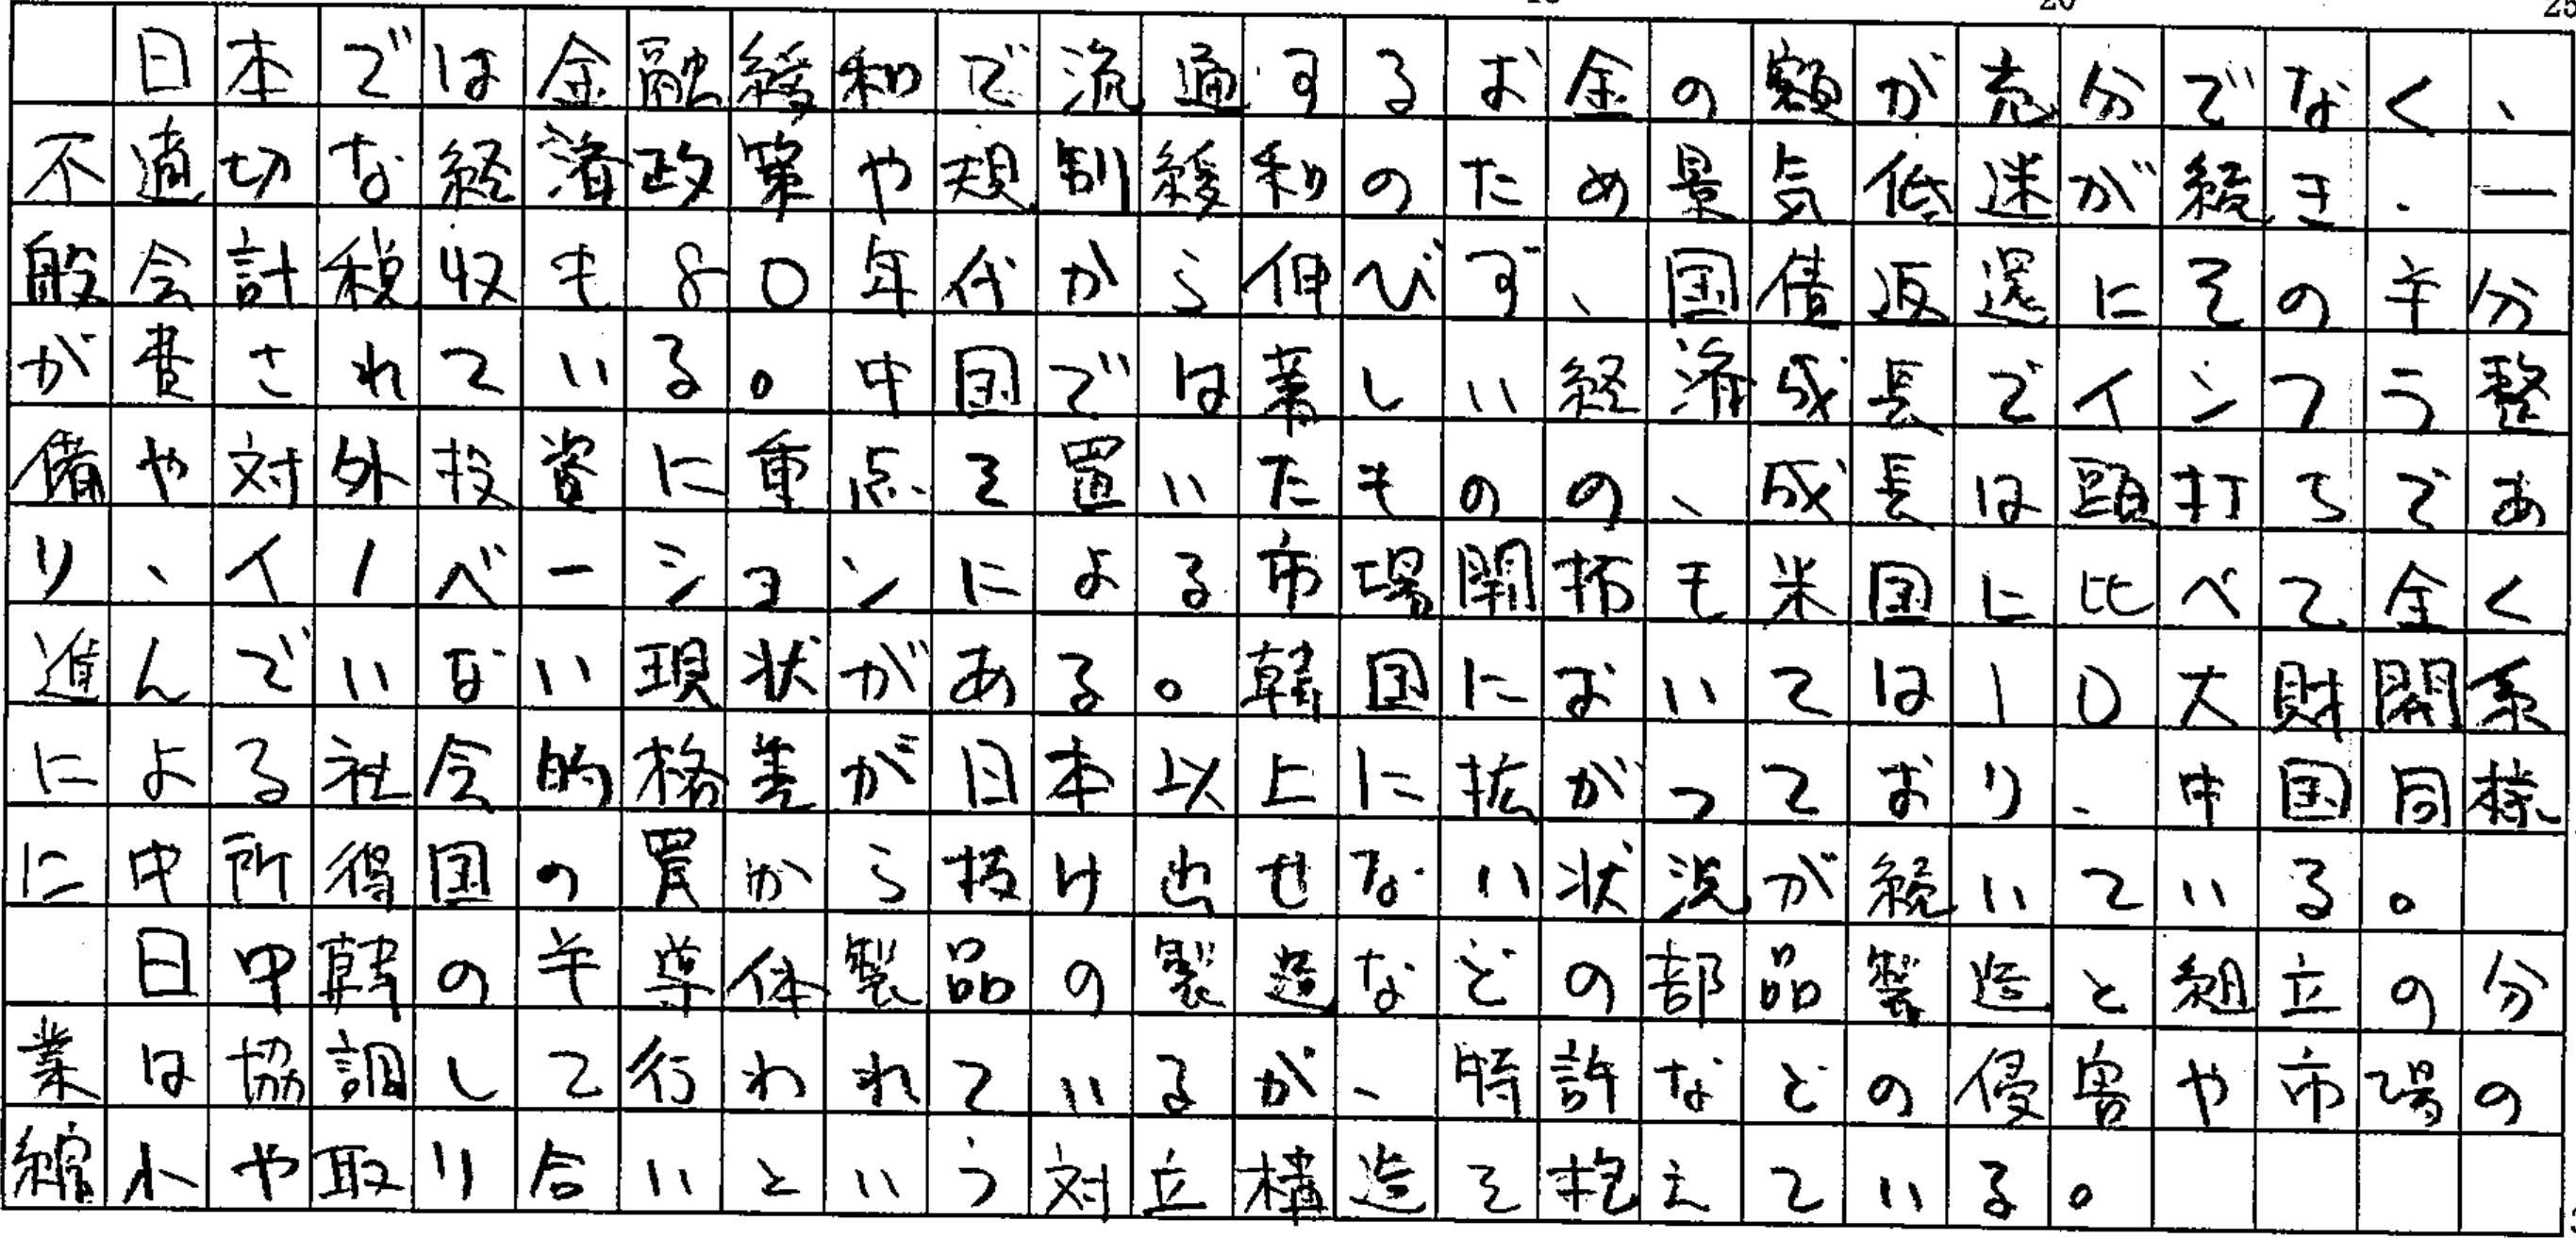　日本では金融緩和で流通するお金の額が充分でなく、不適切な経済政策や規制緩和のため景気低迷が続き、一般会計税収も８０年代から伸びず、国債返還にその半分が費されている。中国では著しい経済成長でインフラ整備や対外投資に重点を置いたものの、成長は頭打ちであり、イノベーションによる市場開拓も米国に比べて全く進んでいない現状がある。韓国においては１０大財▁系による社会的格差が日本以上に拡がっており、中国同様に中所得国の罠から抜け出せない状況が続いている。
　日中韓の半導体製品の製造などの部品製造と組立の分業は協調して行われているが、特許などの侵害や市場の縮小や取り合いという対立構造を抱えている。
